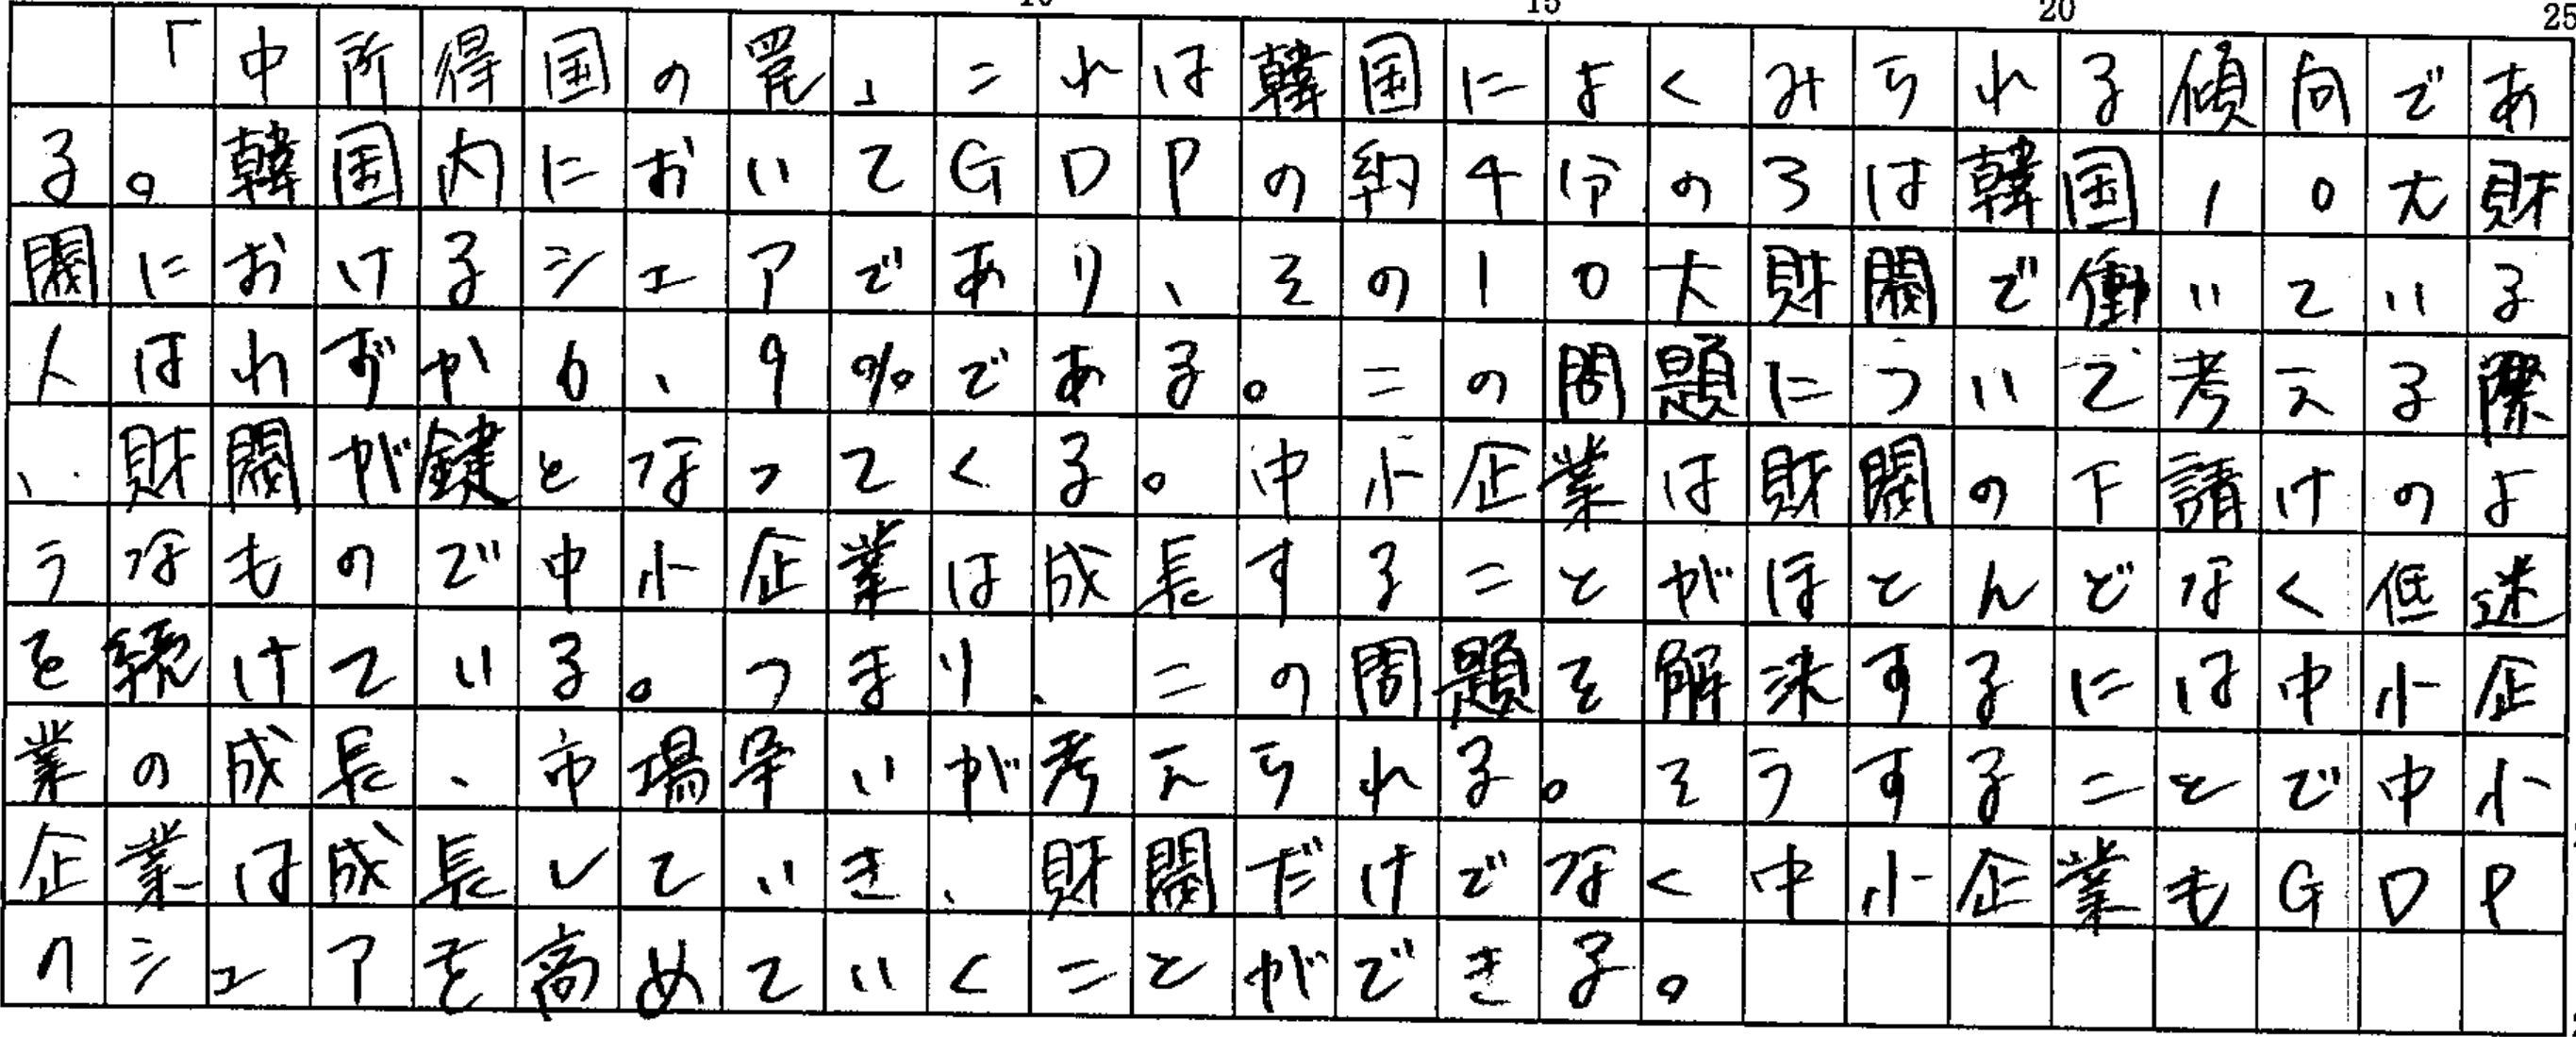　「中所得国の罠」これは韓国によくみられる傾向である。韓国内においてＧＤＰの約４分の３は韓国１０大財閥におけるシェアであり、その１０大財閥で働いている人はわずか６．９％である。この問題について考える際、財閥が鍵となってくる。中小企業は財閥の下請けのようなもので中小企業は成長することがほとんどなく低迷を続けている。つまり、この問題を解決するには中小企業の成長、市場争いが考えられる。そうすることで中小企業は成長していき、財閥だけでなく中小企業もＧＤＰのシェアを高めていくことができる。
